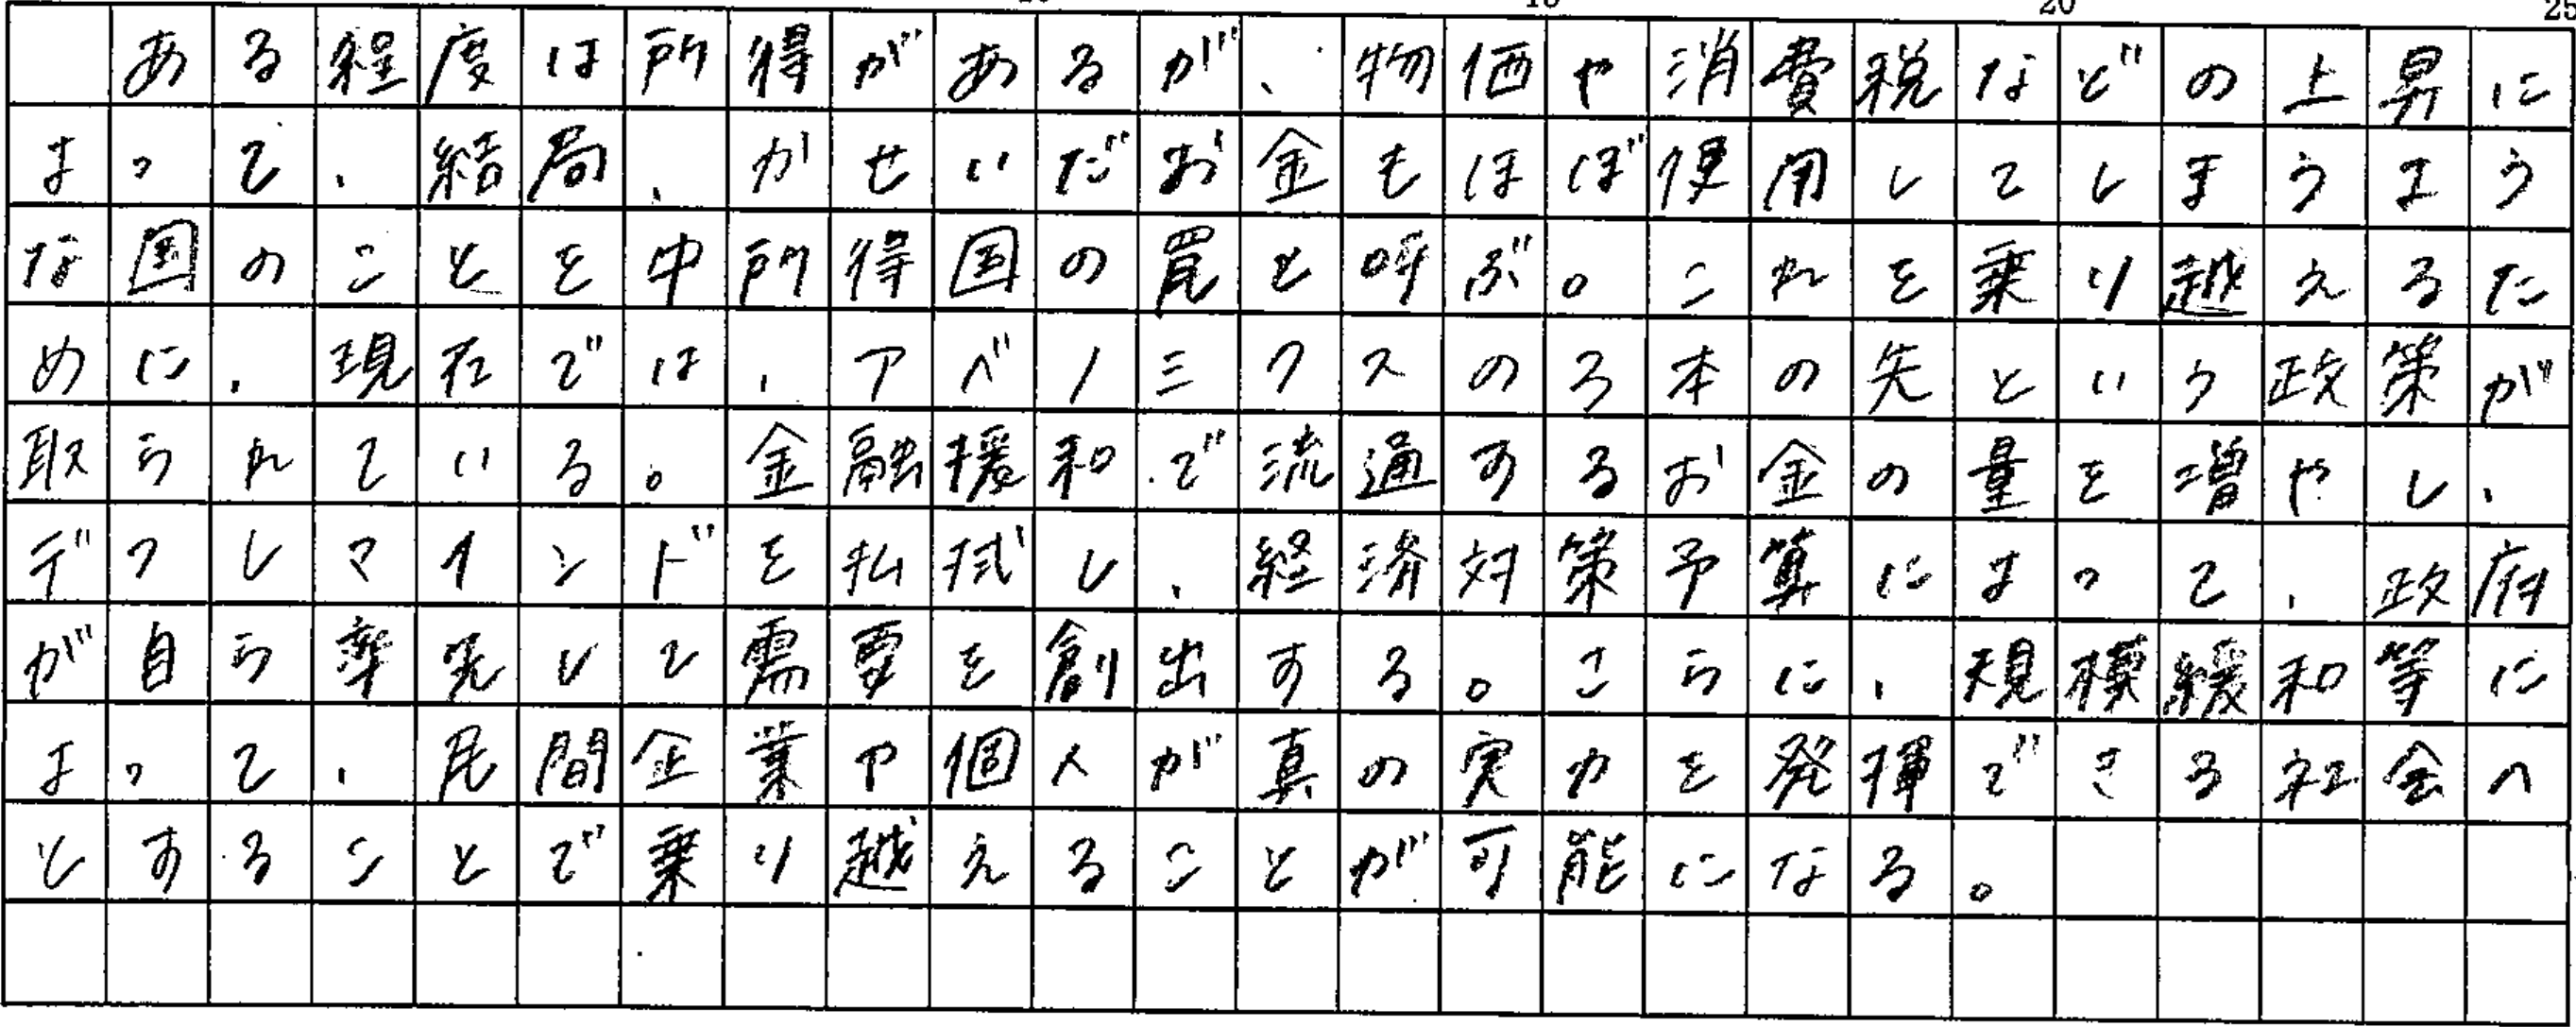　ある程度は所得があるが、物価や消費税などの上昇によって、結局、かせいだお金もほぼ使用してしまうような国のことを中所得国の罠と呼ぶ。これを乗り越えるために、現在では、アベノミクスの３本の矢という政策が取られている。金融援和で流通するお金の量を増やし、デフレマインドを払拭し、経済対策予算によって、政府が自ら率先して需要を創出する。さらに、規模緩和等によって、民間企業や個人が真の実力を発揮できる社会へとすることで乗り越えることが可能になる。
